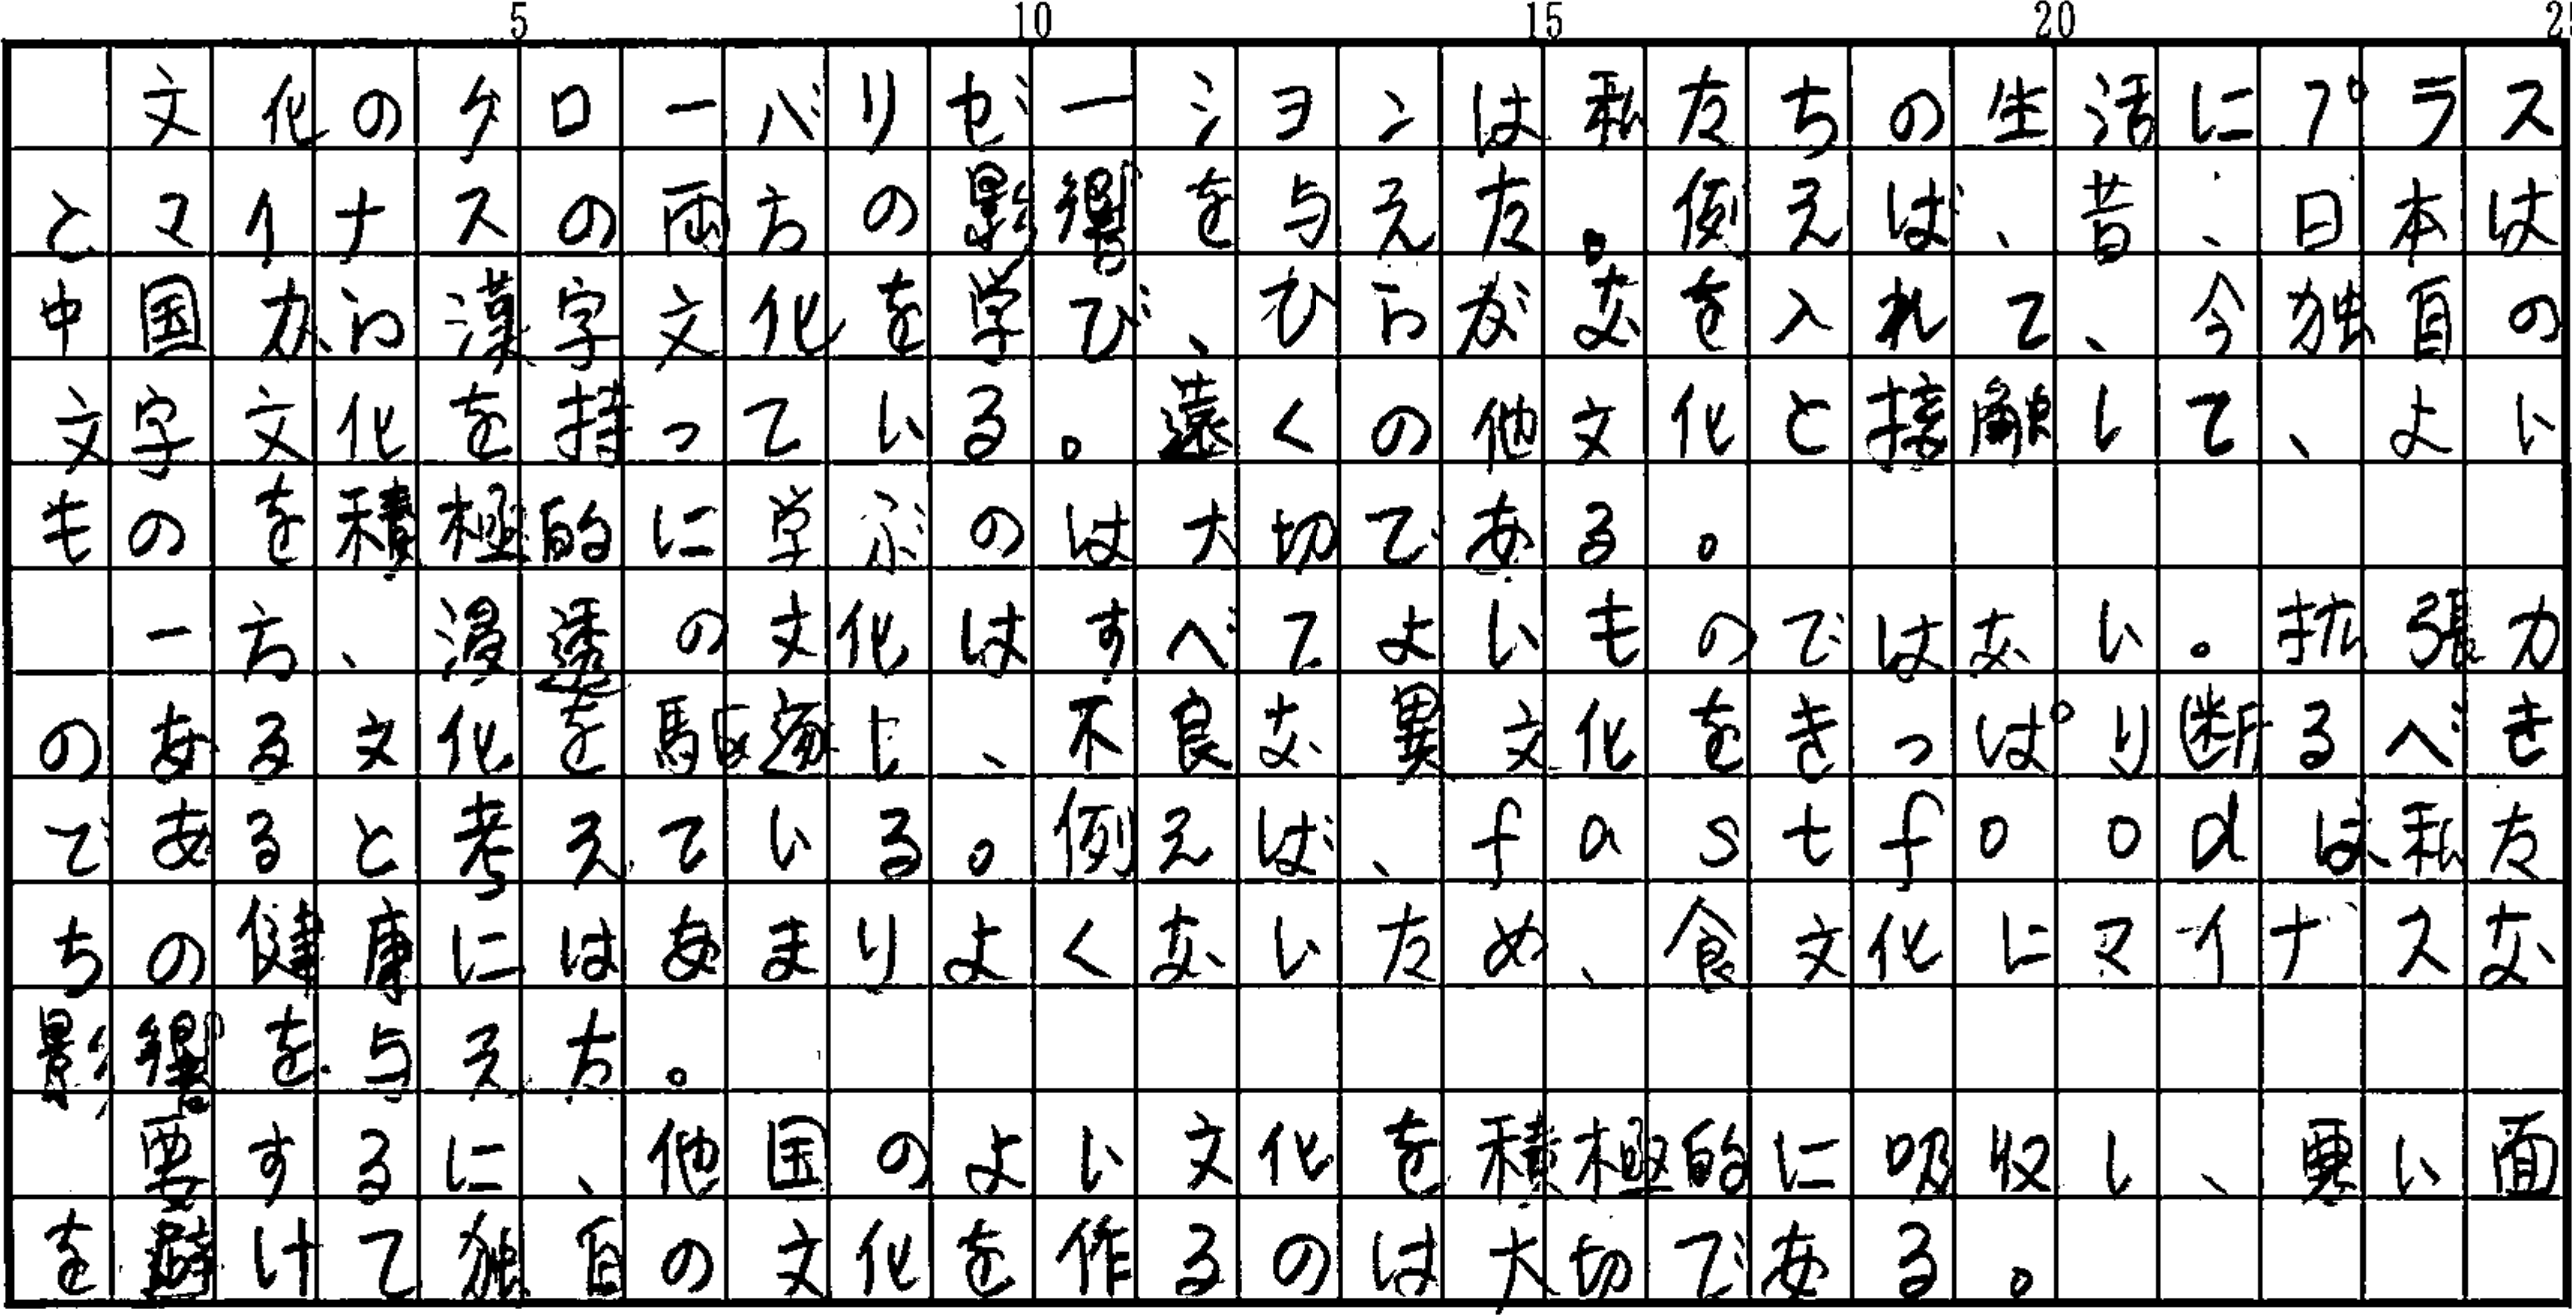　文化のグローバリゼーションは私たちの生活にプラスとマイナスの両方の影響を与えた。例えば、昔、日本は中国から漢字文化を学び、ひらがなを入れて、今独▁の文字文化を持っている。遠くの他文化と接触して、よいものを積極的に学ぶのは大切である。
　一方、浸透の文化はすべてよいものではない。拡張力のある文化を駆逐し、不良な異文化をきっぱり断るべきであると考えている。例えば、ｆａｓｔｆｏｏｄは私たちの健康にはあまりよくないため、食文化にマイナスな影響を与えた。
　要するに、他国のよい文化を積極的に吸収し、悪い面を避けて独▁の文化を作るのは大切である。
